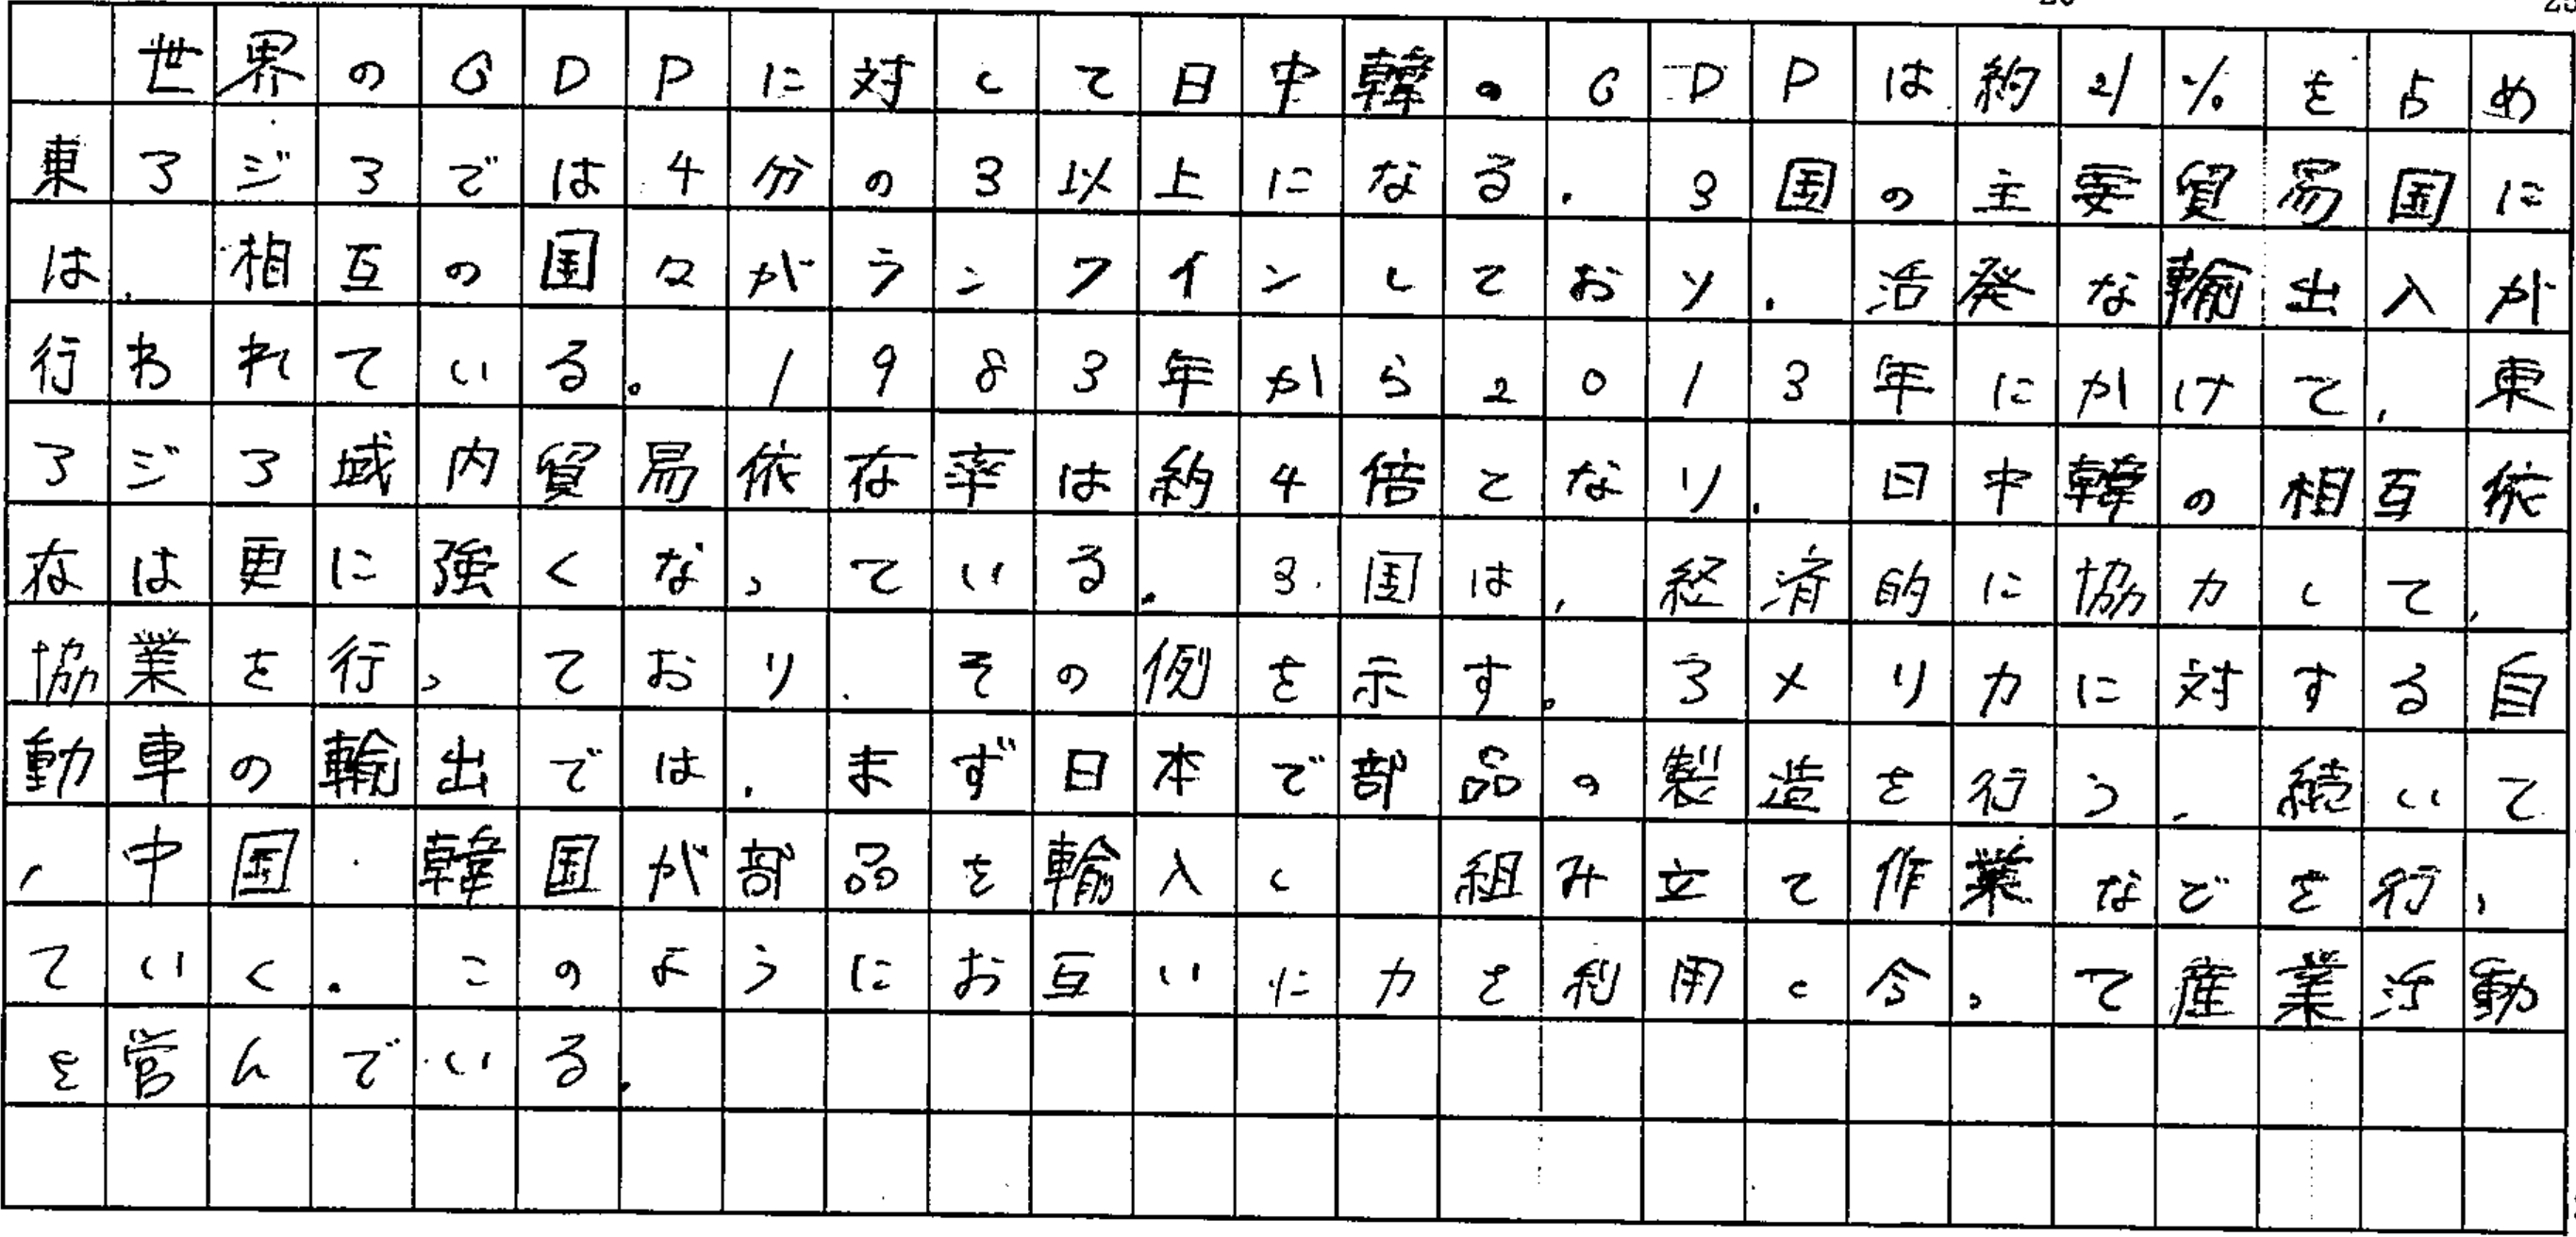　世界のＧＤＰに対して日中韓のＧＤＰは約21％を占め東アジアでは４分の３以上になる。３国の主要貿易国には、相互の国々がランクインしており、活発な輸出入が行われている。１９８３年から２０１３年にかけて，東アジア域内貿易依存率は約４倍となり、日中韓の相互依存は更に強くなっている。３国は，経済的に協力して，協業を行っており．その例を示す。アメリカに対する自動車の輸出では，まず日本で部品の製造を行う，続いて，中国・韓国が部品を輸入し　組み立て作業などを行っていく。このようにお互いに力を利用し合って産業活動を営んでいる。
